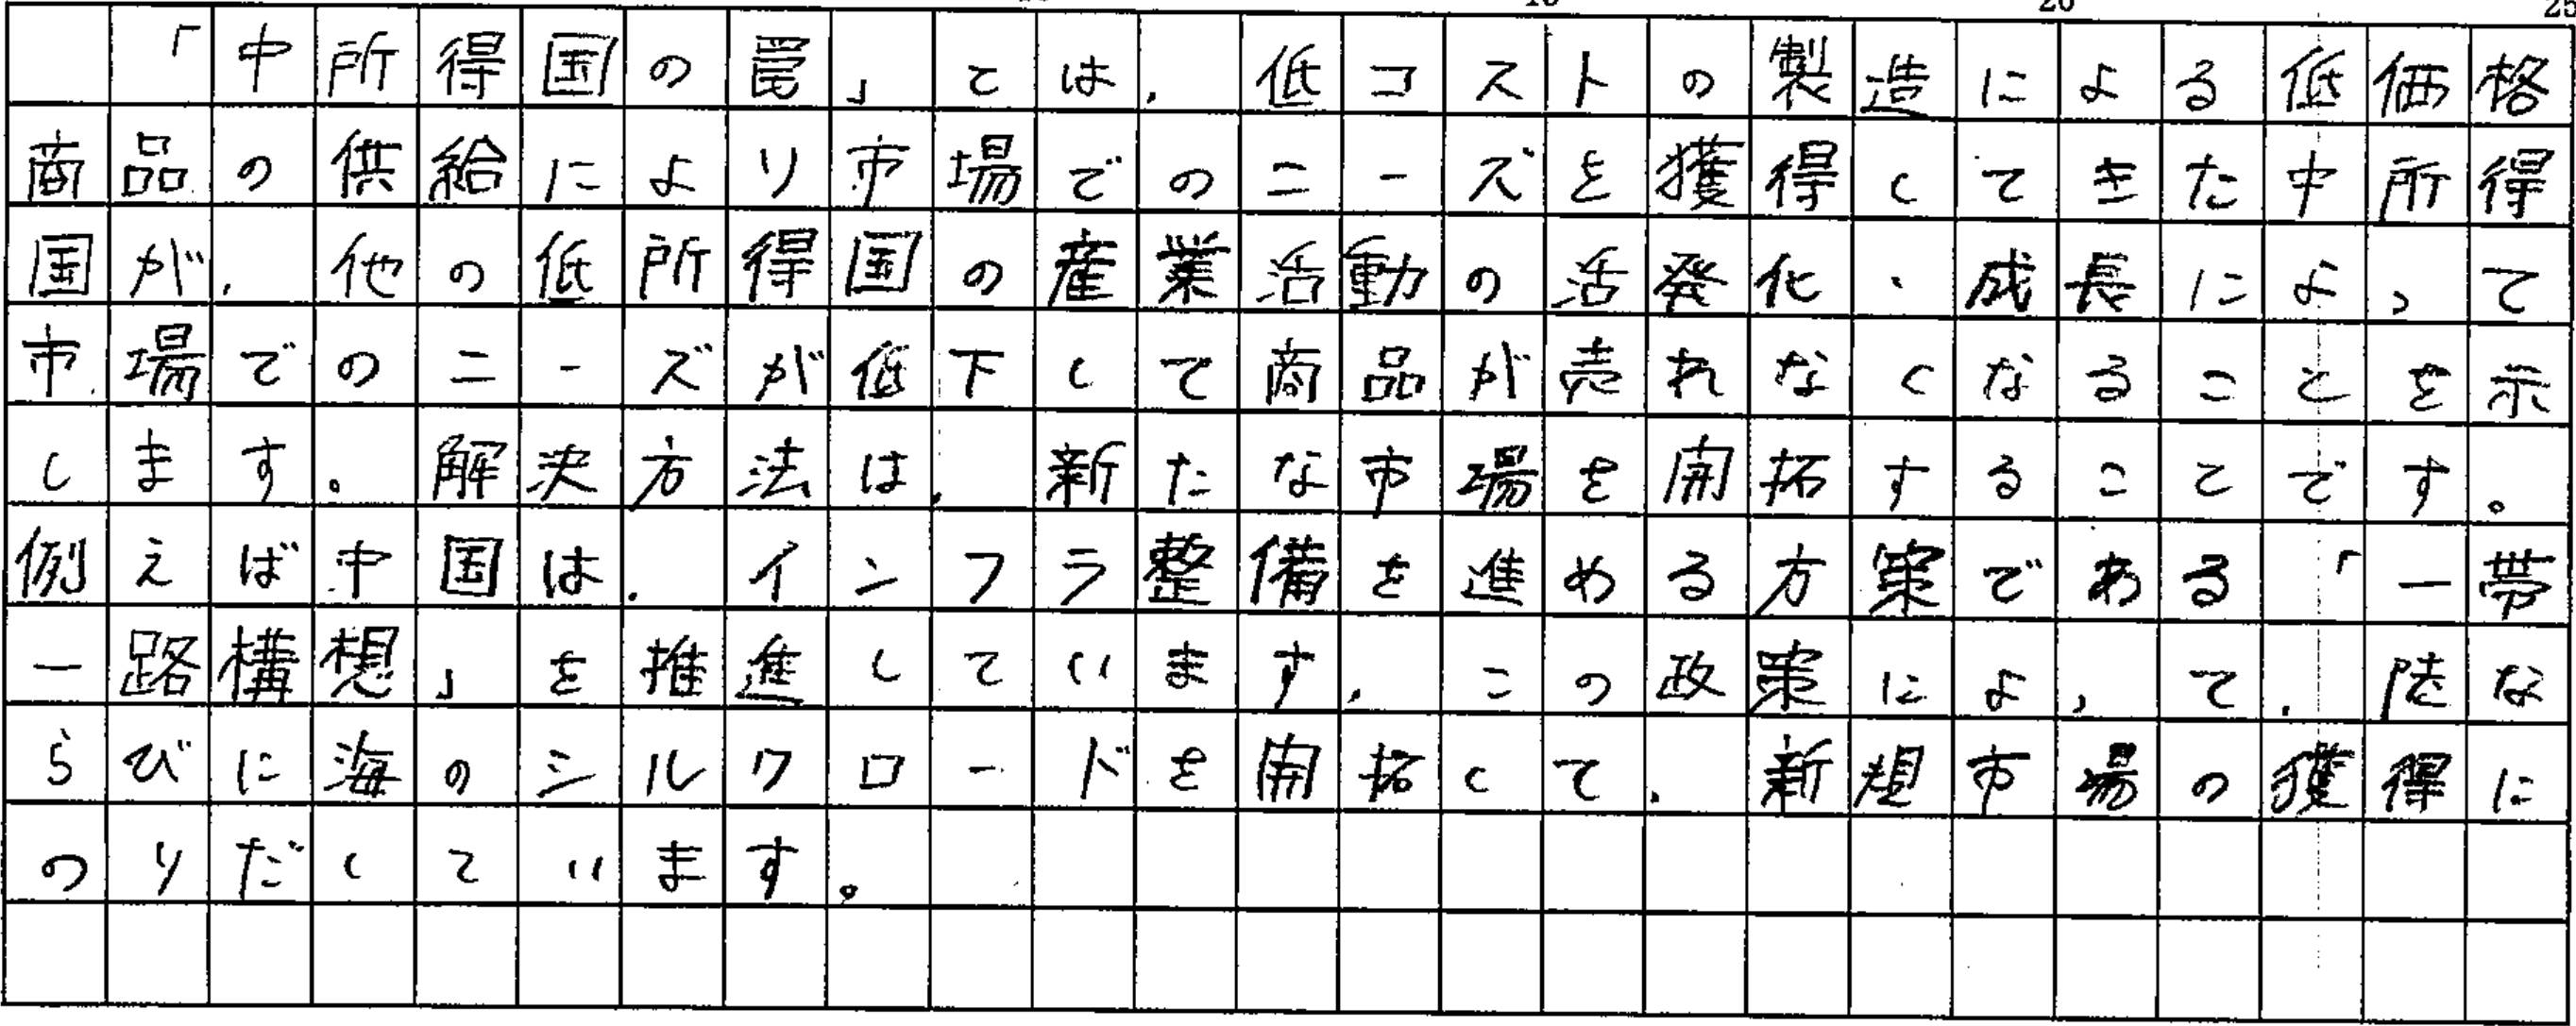　「中所得国の罠」とは，低コストの製造による低価格商品の供給により市場でのニーズを獲得してきた中所得国が，他の低所得国の産業活動の活発化・成長によって市場でのニーズが低下して商品が売れなくなることを示します。解決方法は，新たな市場を開拓することです。例えば中国は．インフラ整備を進める方策である「一帯一路構想」を推進しています。この政策によって，陸ならびに海のシルクロードを開拓して．新規市場の獲得にのりだしています。
